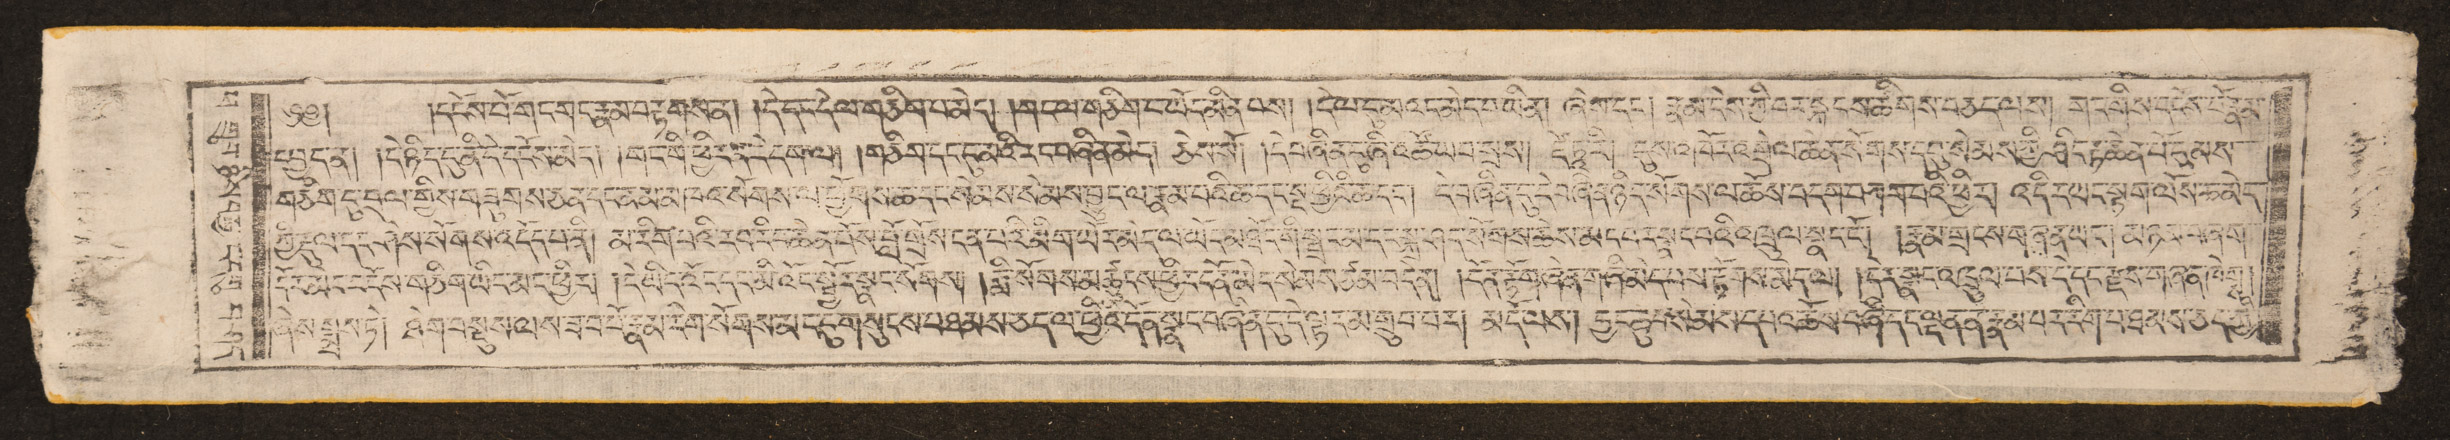༄༅། །དངོས་པོ་གང་གང་རྣམ་བརྟགས་ན། །དེ་དང་དེ་ལ་གཅིག་པ་མེད། །གང་ལ་གཅིག་བ་ཡོད་མིན་པས། །དེ་ལ་དུ་མའང་མེད་པ་ཡིན། ཞེས་དང་། རྣམ་ངེས་ཀྱི་བར་སྐབས་ཚིགས་བཅད་ལས། གང་གིས་དངོས་པོ་རྣམ་
དབྱད་ན། །དེ་ཉིད་དུ་ནི་དེ་དངོས་མེད། །སང་གི་ཕྱིར་ན་དེ་དག་ལ། །གཅིག་དང་དུ་མའི་རང་བཞིན་མེད། ཅེས་སོ། །དེ་བཞིན་དུ་ཞི་འཚོ་ཡབ་སྲས། ཛེ་ཏཱ་རི། དུས་འཁོར་འགྲེལ་ཆེན་སོགས་དབུ་སོ་མས་ཀྱི་ཤིང་རྟ་ཆེན་པོ་དུ་མས་
གཅིག་དུ་བྲལ་གྱིས་གཟུགས་ཅན་དང་ནམ་མཁའ་སོགས་ལ་ཕྱོགས་ཆ་དང་སེམས་སེམས་བྱུང་ལ་རྣམ་པའི་ཆ་དང་སྔ་ཕྱིའི་ཆ་དང་། དེ་བཞིན་དུ་དེ་བཞིན་ཉིད་སོགས་ལ་ཆོས་བདག་བཀག་པའི་ཕྱིར། འདིར་ཡང་སྟག་ལོས་ཆ་མེད་
ཀྱི་རྡུལ་དང་ཤེས་སོགས་འདོད་པ་ནི། མ་རིག་པའི་རབ་རིབ་ཆེན་པོས་བློ་གྲོས་ངན་པའི་མིག་ཡོར་མེད་ལ་ཡོད་མཐོང་གི་སྦྲང་མ་དང་སྐྲ་ཤད་སོགས་ཆེས་མང་བར་སྣང་བའི་འཁྲུལ་སྣང་ངོ། །རྣམ་གྲངས་གཞན་ཡང་། མཉམ་བཞག་
ངོར་མེད་དངོས་གཅིག་ཡིད་མང་ཕྱིར། །དེ་ཡིད་འོང་དང་མི་འོང་སྦྱོར་སྣང་སོགས། །རྨི་སོགས་མཚུངས་ཕྱིར་དོན་མེད་སེམས་ཙམ་བདེན། །དོན་རྟོག་ཞེན་གཞི་མེད་པས་རྟོགས་མེད་ལ། །དེར་སྣང་འཁྲུལ་བས་དེ་དང་རྫས་གཞན་ཁེགས།
ཞེས་སྨྲས་ཏེ། ཐེག་བསྡུས་ལས་ཟབ་པོ་རྣམ་རིག་སོགས་མང་དུ་གསུངས་པ་ཐམས་ཅད་ལ་ཕྱིའི་དོན་སྣང་བཞིན་དུ་དེ་ལྟར་མ་གྲུབ་པར། མདོ་ལས། བྱང་ཆུབ་སེམས་དཔའ་ཆོས་བཞི་དང་ལྡན་ན་རྣམ་པར་རིག་པ་ཐམས་ཅད་ཀྱི་